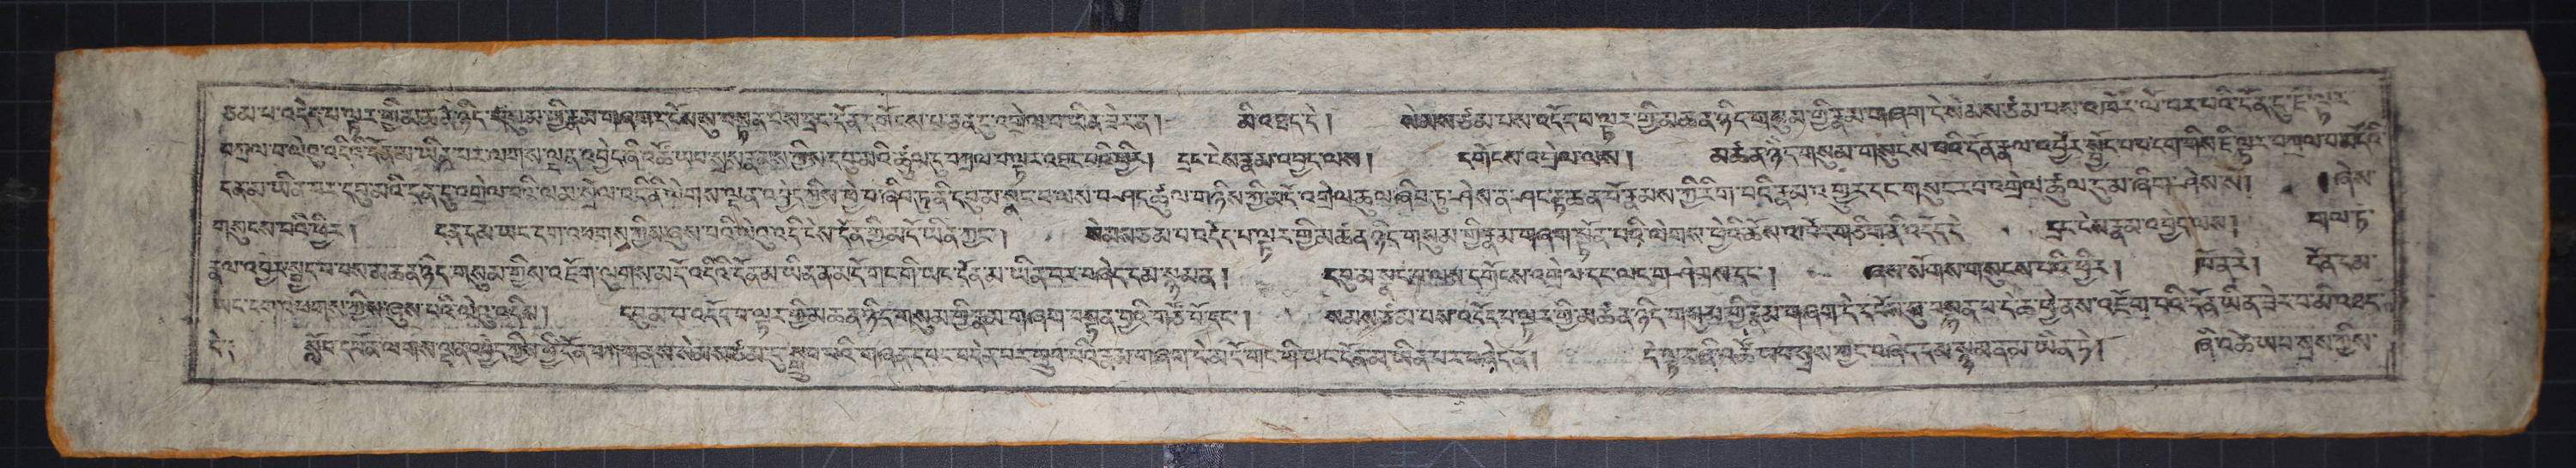ཙམ་པ་འདོད་པ་ལྟར་གྱི་མཚན་ཉིད་གསུམ་གྱི་རྣམ་གཞག་དངོས་སུ་བསྟན་པས་དྲང་དོན་དགོངས་པ་ཅན་དུ་འགྲེལ་བ་ཡིན་ཟེར་ན། མི་འཐད་དེ། སེམས་ཙམ་པས་འདོད་པ་ལྟར་གྱི་མཚན་ཉིད་གསུམ་གྱི་རྣམ་གཞག་དེ་སེམས་ཙམ་པས་འཁོར་ལོ་བར་པའི་དོན་དུ་ཇི་ལྟར་
བཀྲལ་བ་ལེའུ་འདིའི་དོན་མ་ཡིན་པར་ལེགས་ལྡན་འབྱེད་ཞི་འཚོ་ཡབ་སྲས་རྣམས་ཀྱིས་དབུ་མའི་ཚུལ་དུ་བཀྲལ་བ་ལྟར་འཐད་པའི་ཕྱིར། དྲང་ངེས་རྣམ་འབྱེད་ལས། དགོངས་འགྲེལ་ལས། མཚན་ཉིད་གསུམ་གསུངས་པའི་དོན་རྣལ་འབྱོར་སྤྱོད་པ་བདག་གིས་ཇི་ལྟར་བཀྲལ་བ་མདོའི་
དོན་མ་ཡིན་པར་དབུ་མའི་དོན་དུ་འགྲེལ་བའི་ལམ་སྲོལ་འདི་ནི་ལེགས་ལྡན་འབྱེད་ཀྱིས་བྱེ་བ་ཞིབ་ཏུ་ནི་དབུ་མ་སྣང་བ་ལས་བཤད་ཚུལ་གཉིས་ཀྱི་མདོ་འགྲེལ་ཚུལ་ཞིབ་ཏུ་ཤེས་ན་ཤིང་རྟ་ཆེན་པོ་རྣམས་ཀྱི་རིག་པའི་རྣམ་འགྱུར་དང་གསུང་རབ་འགྲེལ་ཚུལ་དུ་མ་ཞིག་ཤེས་སོ། །ཞེས་
གསུངས་པའི་ཕྱིར། དོན་དམ་ཡང་དག་འཕགས་ཀྱིས་ཞུས་པའི་ལེའུ་འདི་ངེས་དོན་གྱི་མདོ་ཡིན་ཀྱང་། སེམས་ཙམ་པ་འདོད་པ་ལྟར་གྱི་མཚན་ཉིད་གསུམ་གྱི་རྣམ་གཞག་སྟོན་པའི་ལེགས་ཕྱེའི་ཆོས་འཁོར་གཅིག་ནི་འདོད་དེ། དྲང་ངེས་རྣམ་འབྱེད་ལས། གལ་ཏེ་
རྣལ་འབྱོར་སྤྱོད་པ་བས་མཚན་ཉིད་གསུམ་གྱིས་འཇོག་ལུགས་མདོ་འདིའི་དོན་མ་ཡིན་ན་མདོ་གང་གི་ཡང་དོན་མ་ཡིན་པར་བཞེད་དམ་སྙམ་ན། དབུ་མ་སྣང་བ་ལས་དགོངས་འགྲེལ་དང་ལང་གཤེགས་དང་། ཞེས་སོགས་གསུངས་པའི་ཕྱིར། ཁོ་ན་རེ། དོན་དམ་
ཡང་དག་འཕགས་ཀྱིས་ཞུས་པའི་ལེའུ་འདིས། དབུ་མ་པ་འདོད་པ་ལྟར་གྱི་མཚན་ཉིད་གསུམ་གྱི་རྣམ་གཞག་བསྟན་བྱའི་གཙོ་བོ་དང་། སེམས་ཙམ་པས་འདོད་པ་ལྟར་གྱི་མཚན་ཉིད་གསུམ་གྱི་རྣམ་གཞག་དེ་དངོས་སུ་བསྟན་པ་དེ་ཆ་ཕྱེ་ནས་འཇོག་པའི་དོན་ཡིན་ཟེར་བ་མི་འཐད་
དེ༑ སློབ་དཔོན་ལེགས་ལྡན་འབྱེད་ཀྱིས་ཕྱི་དོན་བཀག་ནས་སེམས་ཙམ་དུ་སྒྲུབ་པའི་གཞན་དབང་བདེན་པར་གྲུབ་པའི་རྣམ་གཞག་དེ་མདོ་གང་གི་ཡང་དོན་མ་ཡིན་པར་གཞེད་ན། དེ་ལྟར་ཞི་འཚོ་ཡབ་སྲས་ཀྱང་བཞེད་དམ་སྙམ་ན་མ་ཡིན་ཏེ། ཞི་འཚོ་ཡབ་སྲས་ཀྱིས་